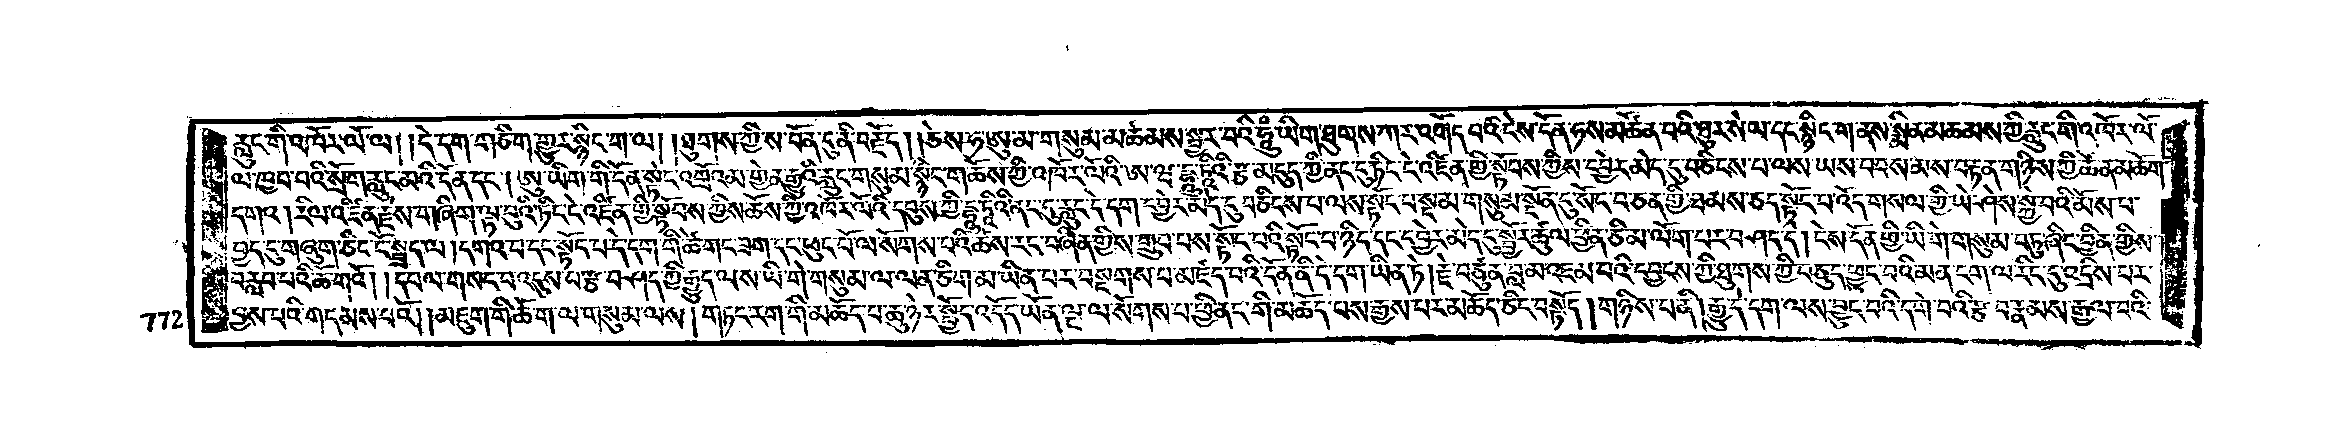རླུང་གི་འཁོར་ལོ་ལ། །དེ་དག་གཅིག་གྱུར་སྙིང་ག་ལ། །ཐུགས་ཀྱི་ས་བོན་དུ་ནི་བརྗོད། །ཅེས་ཧ་ཨུ་མ་གསུམ་མཚམས་སྦྱར་བའི་ཧཱུཾ་ཡིག་ཐུགས་ཀར་འགོད་པའི་ངེས་དོན་ཧས་མཚོན་པའི་ཐུར་ཐུར་སེལ་དང་སྙིང་ག་ནས་སྨིན་མཚམས་ཀྱི་རླུང་གི་འཁོར་ལོ་
ལ་ཁྱབ་པའི་སྲོག་རླུང་མའི་དོན་དང་། ཨུ་ཡིག་གི་དོན་སྟེང་འགྲོའམ་གྱེན་རྒྱུའི་རླུང་གསུམ་སྙིང་ག་ཆོས་ཀྱི་འཁོར་ལོའི་ཨ་ཝ་དྷཱུ་ཏཱིའི་རྩ་མདུད་ཀྱི་ནང་དུ་ཏིང་ངེ་འཛིན་གྱི་སྟོབས་ཀྱིས་དབྱེར་མེད་དུ་བཅིངས་པ་ལས་ཡས་བབས་མས་?་བརྟན་གཉིས་ཀྱི་ཚེ་ན་མཆོག་
དགའ། རིལ་འཛིན་རྗེས་གཞིག་ལྟ་བུའི་ཏིང་ངེ་འཛིན་གྱི་སྟོབས་ཀྱིས་ཆོས་ཀྱི་འཁོར་ལོའི་དབུས་ཀྱི་དྷཱུ་ཏཱིའི་ནང་དུ་རླུང་དེ་དག་དབྱེར་མེད་དུ་བཅིངས་པ་ལས་སྟོང་པ་སྔ་མ་གསུམ་སྔོན་དུ་སོང་བ་ཅན་གྱི་ཐམས་ཅད་སྟོང་པ་འོད་གསལ་གྱི་ཡེ་ཤེས་སྐྱེ་བའི་མོས་པ་
བྱེད་དུ་གཞུག་ཅིང་ངོ་སྤྲད་ལ། དགའ་བ་དང་སྟོང་པ་དེ་དག་གི་ཚེ་གང་ཟག་དང་ཕུང་པོ་ལ་སོགས་པའི་ཆོས་རང་བཞིན་གྱིས་གྲུབ་པས་སྟོང་པའི་སྟོང་པ་ཉིད་དང་དབྱེར་མེད་དུ་སྦྱོར་ཚུལ་ཕྱིན་ཅི་མ་ལོག་པར་བཤད་དེ། ངེས་དོན་གྱི་ཡི་གེ་གསུམ་བཏུ་ཞིང་བྱིན་གྱིས་
བརླབ་པའི་ཆོ་གའོ། །དཔལ་གསང་བ་འདུས་པ་རྩ་བཤད་ཀྱི་རྒྱུད་ལས་ཡི་གེ་གསུམ་ལ་ལན་ཅིག་མ་ཡིན་པར་བསྔགས་པ་མཛད་པའི་དོན་ནི་དེ་དག་ཡིན་ཏེ། རྗེ་བཙུན་བླ་མ་འཇམ་པའི་དབྱངས་ཀྱི་ཐུགས་ཀྱི་བཅུད་ཕྱུང་བའི་མན་ངག་ལ་རིང་དུ་འདྲིས་པར་
བྱས་པའི་གདམས་པའོ། .ཇུག་གི་ཆོ་ག་ལ་གསུམ་ལས། གཏང་རང་གི་མཆོད་པ་ཆུ་ཉེར་སྤྱོད་འདོད་ཡོན་ལྔ་ལ་སོགས་པ་ཕྱི་ནང་གི་མཆོད་པས་རྒྱས་པར་མཆོད་ཅིང་བསྟོད། གཉིས་པ་ནི། རྒྱུ་དེ་དག་ལས་བྱུང་བའི་དགེ་བའི་རྩ་བ་རྣམས་རྒྱལ་བའི་